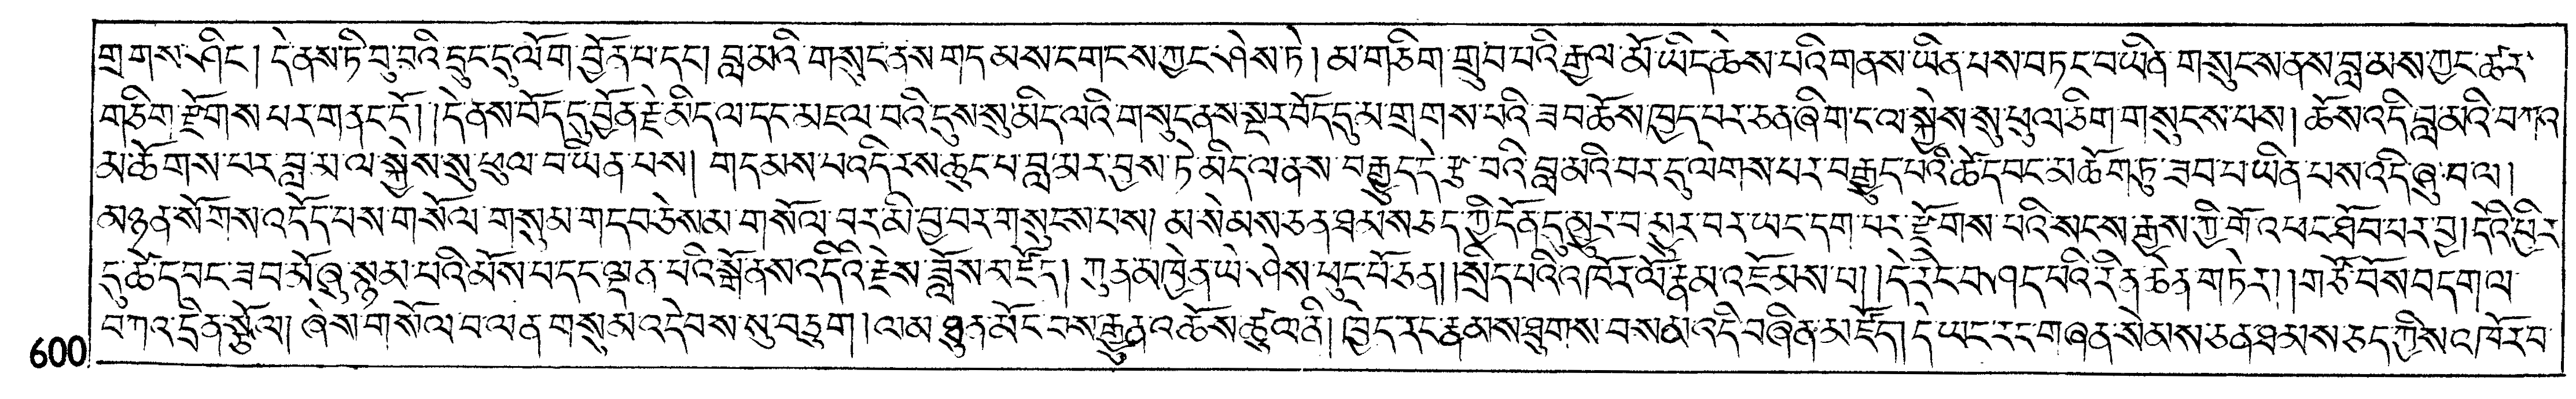གྲགས་ཤིང་། དེ་ནས་ཏི་བུ་བའི་དྲུང་དུ་ལོག་བྱོན་པ་དང་། བླ་མའི་གསུང་ནས་གདམས་ངག་ངས་ཀྱང་ཤེས་ཏེ། མ་གཅིག་གྲུབ་པའི་རྒྱལ་མོ་ཡིད་ཆེས་པའི་གནས་ཡིན་པས་བཏང་བ་ཡིན་གསུངས་ནས་བླ་མས་ཀྱང་ཚར་
གཅིག་རྫོགས་པར་གནང་ངོ། །དེ་ནས་བོད་དུ་བྱོན་རྗེ་མིད་ལ་དང་མཇལ་བའི་དུས་སུ་མིད་ལའི་གསུང་ནས་སྔར་བོད་དུ་མ་གྲགས་པའི་ཟ་བ་ཆོས་ཁྱད་པར་ཅན་ཞིག་ང་ལ་སྐྱེས་སུ་ཕུལ་ཅིག་གསུངས་པས། ཆོས་འདི་བླ་མའི་བཀའ་
མ་ཆོགས་པར་བླ་མ་ལ་སྐྱེས་སུ་ཕུལ་བ་ཡིན་པས། གདམས་པ་འདི་རས་ཆུང་པ་བླ་མར་བྱས་ཏེ་མིད་ལ་ནས་བརྒྱུད་དེ་རྩ་བའི་བླ་མའི་བར་དུ་ལེགས་པར་བརྒྱུད་པའི་ཚེ་དབང་མཆོག་ཏུ་ཟབ་པ་ཡིན་པས་འདི་ཞུ་བ་ལ།
མཉན་སོགས་འདོད་པས་གསོལ་གསུམ་གདབ་ཅེས་མ་གསོལ་བར་མི་བྱ་བར་གསུངས་པས། མ་སེམས་ཅན་ཐམས་ཅད་ཀྱི་དོན་དུ་མྱུར་བ་མྱུར་བར་ཡང་དག་པར་རྫོགས་པའི་སངས་རྒྱས་ཀྱི་གོ་འཕང་ཐོབ་པར་བྱ། དེའི་ཕྱིར་
དུ་ཚེ་དབང་ཟབ་མོ་ཞུ་སྙམ་པའི་མོས་པ་དང་ལྡན་པའི་སྒོ་ནས་འདིའི་རྗེས་ཟློས་མཛོད། ཀུན་མཁྱེན་ཡེ་ཤེས་ཕུང་པོ་ཅན། །སྲིད་པའི་འཁོར་ལོ་རྣམ་འཇོམས་པ། །དེ་རིང་བཤད་པའི་རིན་ཆེན་གཏེར། །གཙོ་བོས་བདག་ལ་
བཀའ་དྲིན་སྩོལ། ཞེས་གསོལ་བ་ལན་གསུམ་འདེབས་སུ་བཅུག །ལམ་ཐུན་མོང་བས་རྒྱུན་འཆོས་ཚུལ་ནི། ཁྱེད་རང་རྣམས་ཐུགས་བསམ་འདི་བཞིན་མཛོད། དེ་ཡང་རང་གཞན་སེམས་ཅན་ཐམས་ཅད་ཀྱིས་འཁོར་བ་